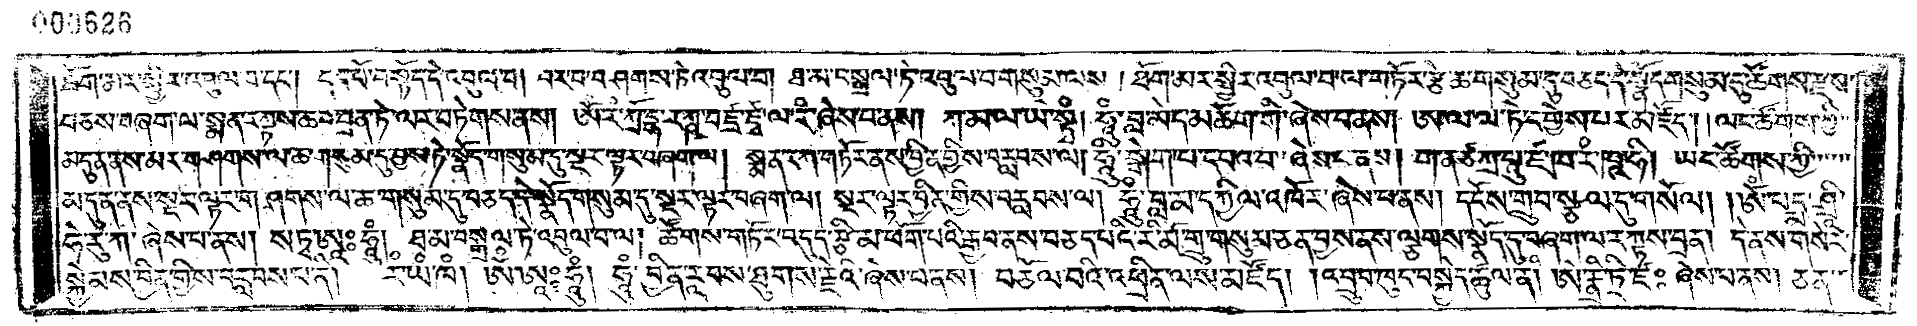ཐོག་མར་སྤྱིར་འབུལ་བ་དང་། དང་པོ་བསྟོད་དེ་འབུལ་བ། བར་བ་བཤགས་ཏེ་འབུལ་བ། ཐ་མ་བསྒྲལ་ཏེ་འབུལ་བ་གསུམ་ལས། ཐོག་མར་སྤྱིར་འབུལ་བ་ལ་གཏོར་རྩེ་ཆ་གསུམ་དུ་བཅད་དེ་སྣོད་གསུམ་དུ་ཚོགས་རྫས་
བཅས་བཞག་ལ་སྨན་རཀྟས་ཆབ་བྲན་ཏེ་ལར་བཏེགས་ནས། ཨོཾ་རཾ་ཀྲོ་དྷ་རཀྵ་བཛྲ་ཛྭ་ལ་རཾ་ཞེས་པ་ནས། ཀ་མ་ལ་ཡེ་སྟྭཾ། ཧཱུཾ་བླ་མེད་མཆོག་གི་ཞེས་པ་ནས། ཨ་ལ་ལ་ཏེ་དགྱེས་པར་མཛོད། །ལང་ཚོགས་ཀྱི་
མདུན་ནས་མར་གཤགས་ལ་ཆ་གསུམ་དུ་བྱས་ཏེ་སྣོད་གསུམ་དུ་སྔར་ལྟར་བཞག་ལ། སྨན་རཀ་གཏོར་ནས་བྱིན་གྱིས་བརླབས་ལ། ཧཱུཾ་སྒེག་པ་དཔའ་བ། །ཞེས་པ་ནས། ག་ན་ཙཀྲ་པཱུ་ཛ་ཁ་རཾ་ཁཱ་ཧི། ཡང་ཚོགས་ཀྱི་
མདུན་ནས་སྔར་ལྟར་གཤགས་ལ་ཆ་གསུམ་དུ་བཅད་དེ་སྣོད་གསུམ་དུ་སྔར་ལྟར་བཞག་ལ། སྔར་ལྟར་བྱིན་གྱིས་བརླབས་ལ། ཧཱུཾ་བླ་མ་དཀྱིལ་འཁོར་ཞེས་པ་ནས། དངོས་གྲུབ་སྩལ་དུ་གསོལ། །ཨོཾ་པདམ་ཤྲཱི་
ཧེ་རུ་ཀ་ཞེས་པ་ནས། སཏྭ་ཨཱཿ ཧཱུཾ། ཐ་མ་བསྒྲལ་ཏེ་འབུལ་བ་ལ། ཚོགས་གཏོར་བདུད་རྩི་མ་ཕོག་པའི་རྒྱབ་ནས་བཅད་པའི་རི་མོ་གྲུ་གསུམ་ཅན་བྱས་ནས་ལྕགས་སྣོད་དུ་བཞག་ལ་རཀྟས་བྲན། དེ་ནས་གསེར་
སྐྱེམས་བྱིན་གྱིས་བརླབས་པ་ནི། རཾ་ཡཾ་ཁཾ། ཨོཾ་ཨཱཿ ཧཱུཾ། ཧཱུཾ་བྱིན་རླབས་ཐུགས་རྗེའི་ཞེས་པ་ནས། བཅོལ་བའི་འཕྲིན་ལས་མཛོད། །འབྲུབ་ཁུང་བསྐྱེད་ཚུལ་ནི། ཨེ་རྣྲི་ཏྲི་ཛཿ ཞེས་པ་ནས། ཅན་